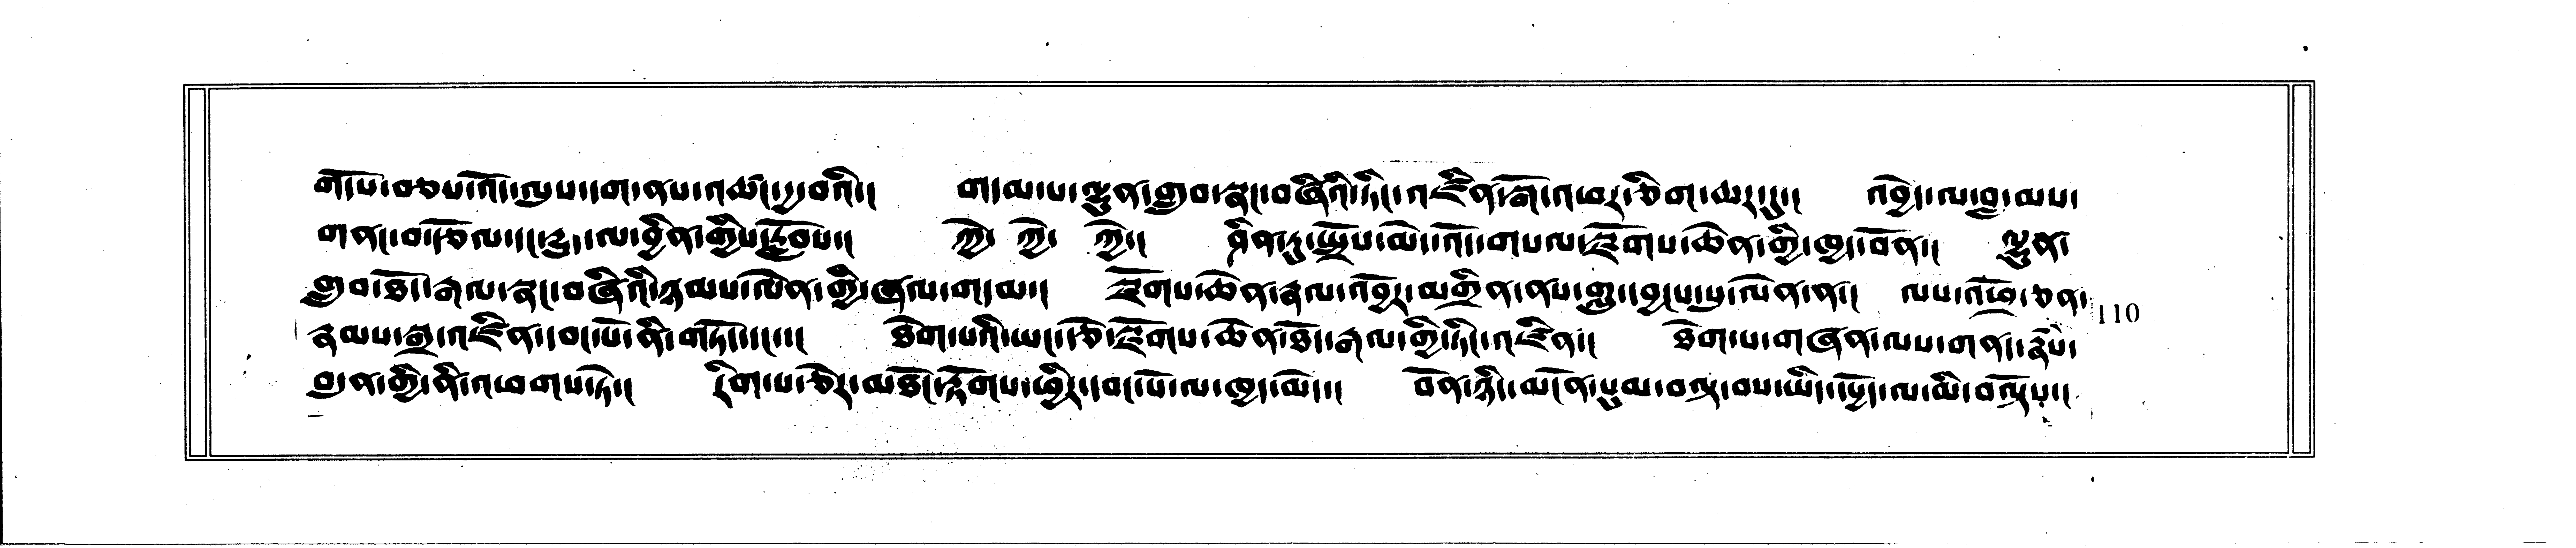གདོས་བཅས་འོད་ལུས་དག་ནས་འཚང་རྒྱ་བའི། །གདམ་པ་ལྷུན་གྲུབ་སྣང་བཞིའི་ཏིང་འཛིན་སྒོ་འཕར་གཅིག་ཆར་དུ། །འབྱེད་ལ་བླ་མས་
གནང་བ་སྩོལ་དང་རྒྱུད་ལ་བྱིན་གྱིས་རློབས། །ཀྱེ་ཀྱེ་ཀྱེ། ཤིན་ཏུ་སྤྲོས་མེད་འོད་གསལ་རྫོགས་ཆེན་གྱི་ཁྱད་བོན། །ལྷུན་
གྲུབ་ཐོད་རྒལ་སྣང་བཞིའི་ཉམས་ལེན་གྱི་ཞལ་གདམ། །རྫོགས་ཆེན་རྣལ་འབྱོར་མགྲིན་ནས་གླུ་དབྱངས་སུ་ལེན་ན། །ལས་འཕྲོ་ཅན་
རྣམས་སྒྲ་འཛིན་དབང་པོ་ནི་གཏོད་དང་། །ཐེག་པའི་ཡང་རྩེ་རྫོགས་ཆེན་ཐོད་རྒལ་གྱི་ཏིང་འཛིན། །ཐེག་པ་གཞན་ནས་གནད་རྣམས་
བདུན་ནི་འཕགས་ཏེ། །རིག་པ་གཅེར་མཐོང་རྟོགས་ཕྱིར་དབང་པོ་ལ་ཁྱད་མེད། །བོན་ཉིད་མངོན་སུམ་བལྟ་བས་ཡིད་དཔྱོད་ལ་མི་བལྟོས། །